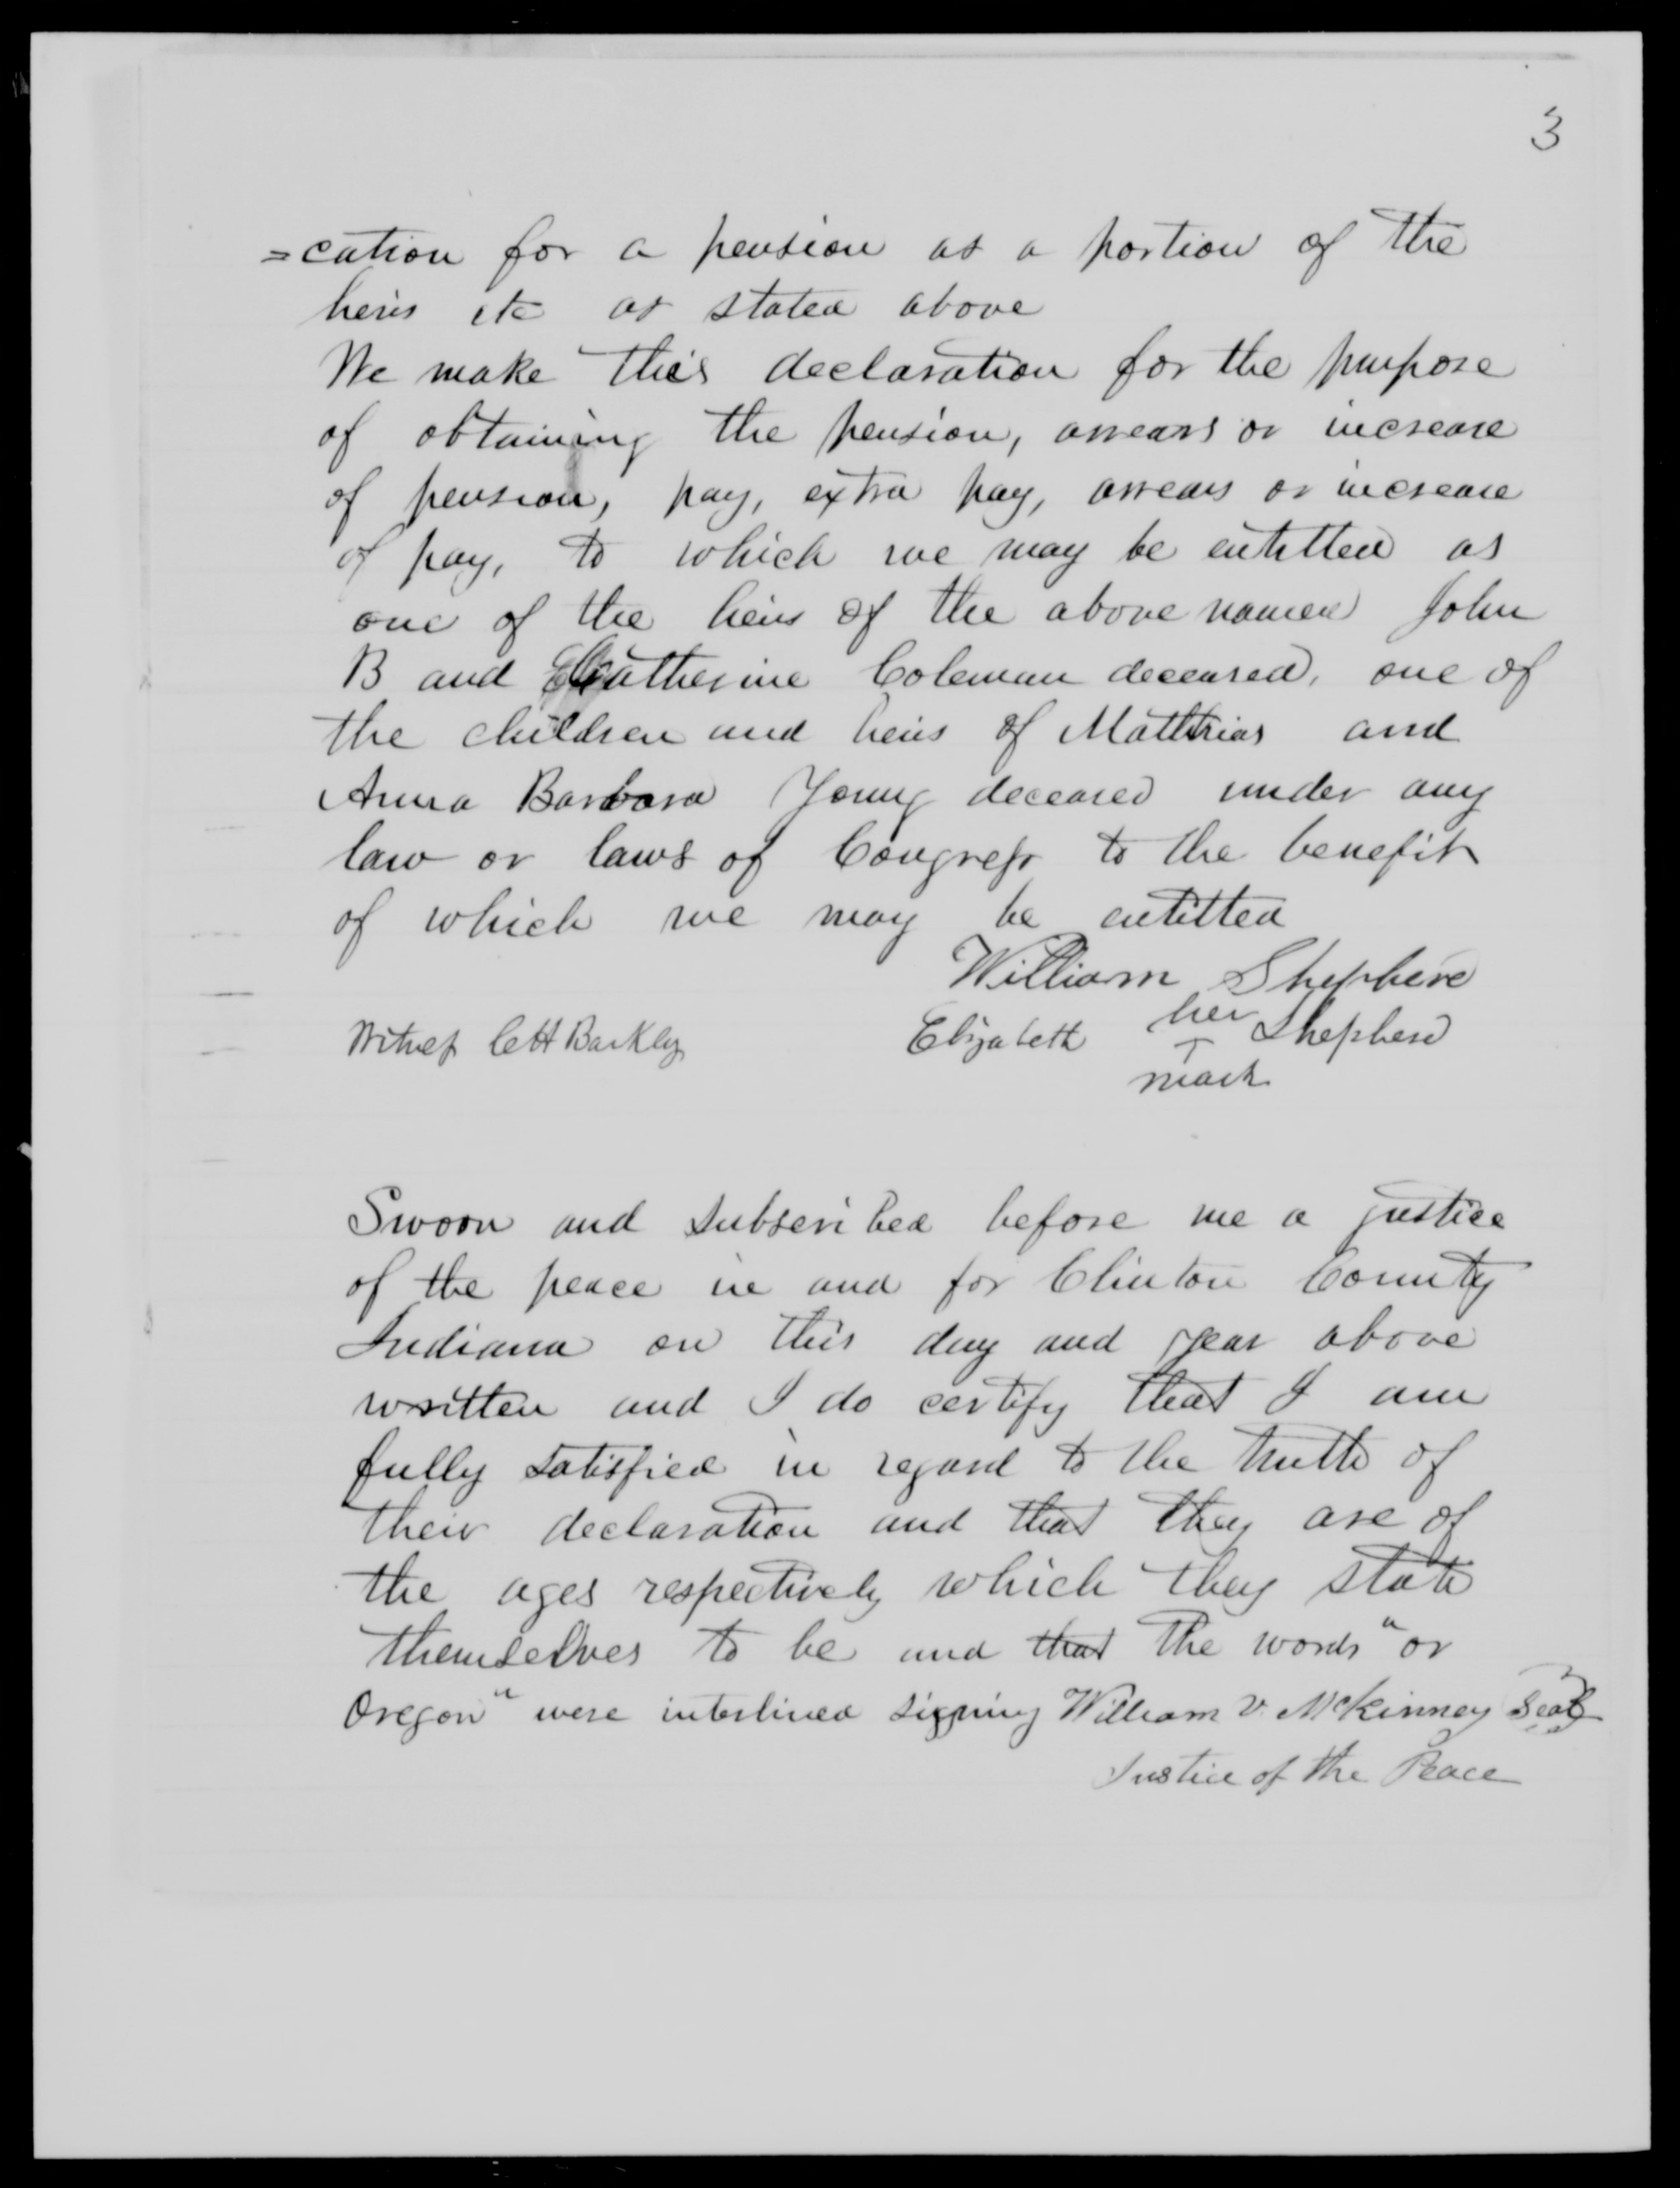3
application for a pension as a portion of the
heirs etc as stated above.
We make this declaration for the purpose
of obtaining the pension, anears or increase
of pension, pay, extra pay, anears or increase of 
pay, to which we may be entitled as
one of the heirs of the above named John B
and Catherine Coleman deceased, one of the
children and heirs of Mathias and Anna Barbara Young deceased, under any law or laws of Congress to the benefit of which we may be entitled.
William Shepherd
Elizabeth Shepherd her mark
Witness C H Barkley

Sworn and subscribed before me a Justice
of the peace in and for Clinton County
Indiana on this day and year above
written and I do certify that I am
fully satisfied in regard to the truth of
their declaration and that they are of
the ages respectively which they state
themselves to be, and that the words "or
Oregon” were interlined [before] signing 
William V. McKinney {Seal}
Justice of the Peace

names: Anna Barbara Young, William V Mc Kinney, John B Coleman, C H Barkly, Matthias Young, William Shepherd, Elizabeth Shepherd, Catherine Coleman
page: 83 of 123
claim: rejected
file: R. 11,949, Matthias Young, Md.